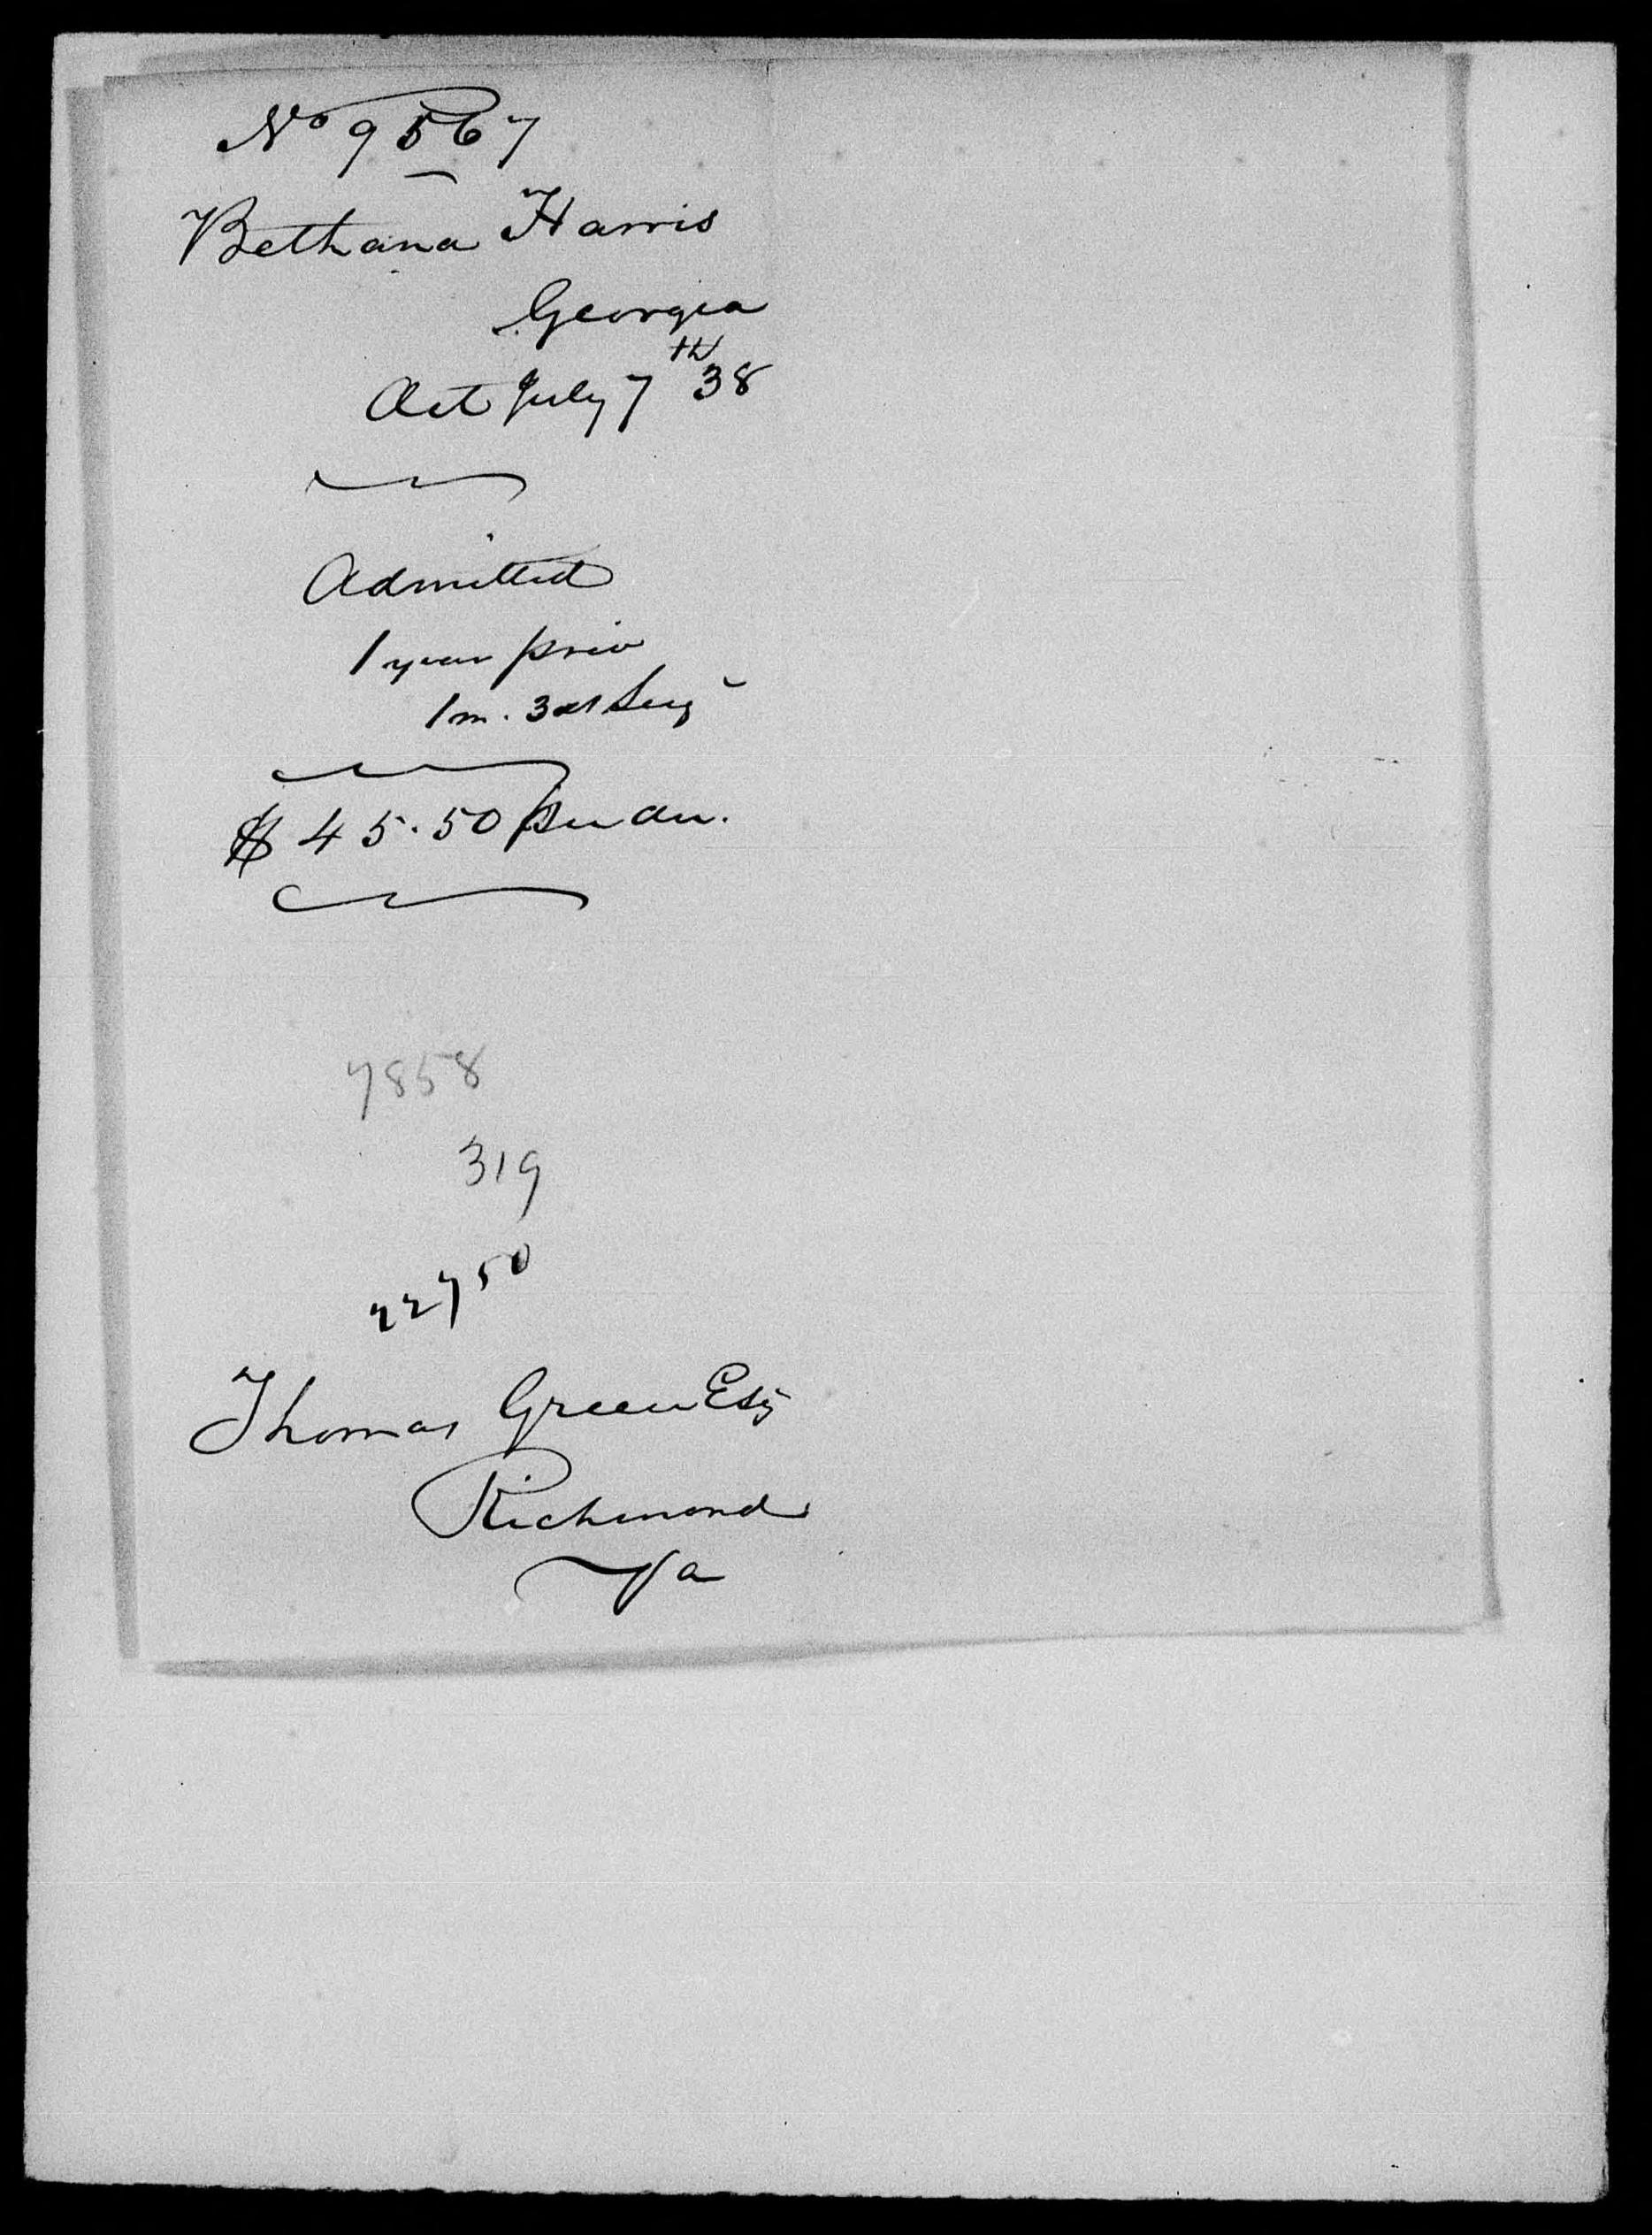No 9867 
Bethana Harris Georgia Act July 7th 38 
Admitted 
1 year priv 
1m 3 day Serg
$45.50 per an 

7858 
319
22750
Thom Green Esq Richmond Va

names: Thomas Green, Bethana Harris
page: 52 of 62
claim: survivor's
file: S. 38816, Benjamin Harris, Mass.